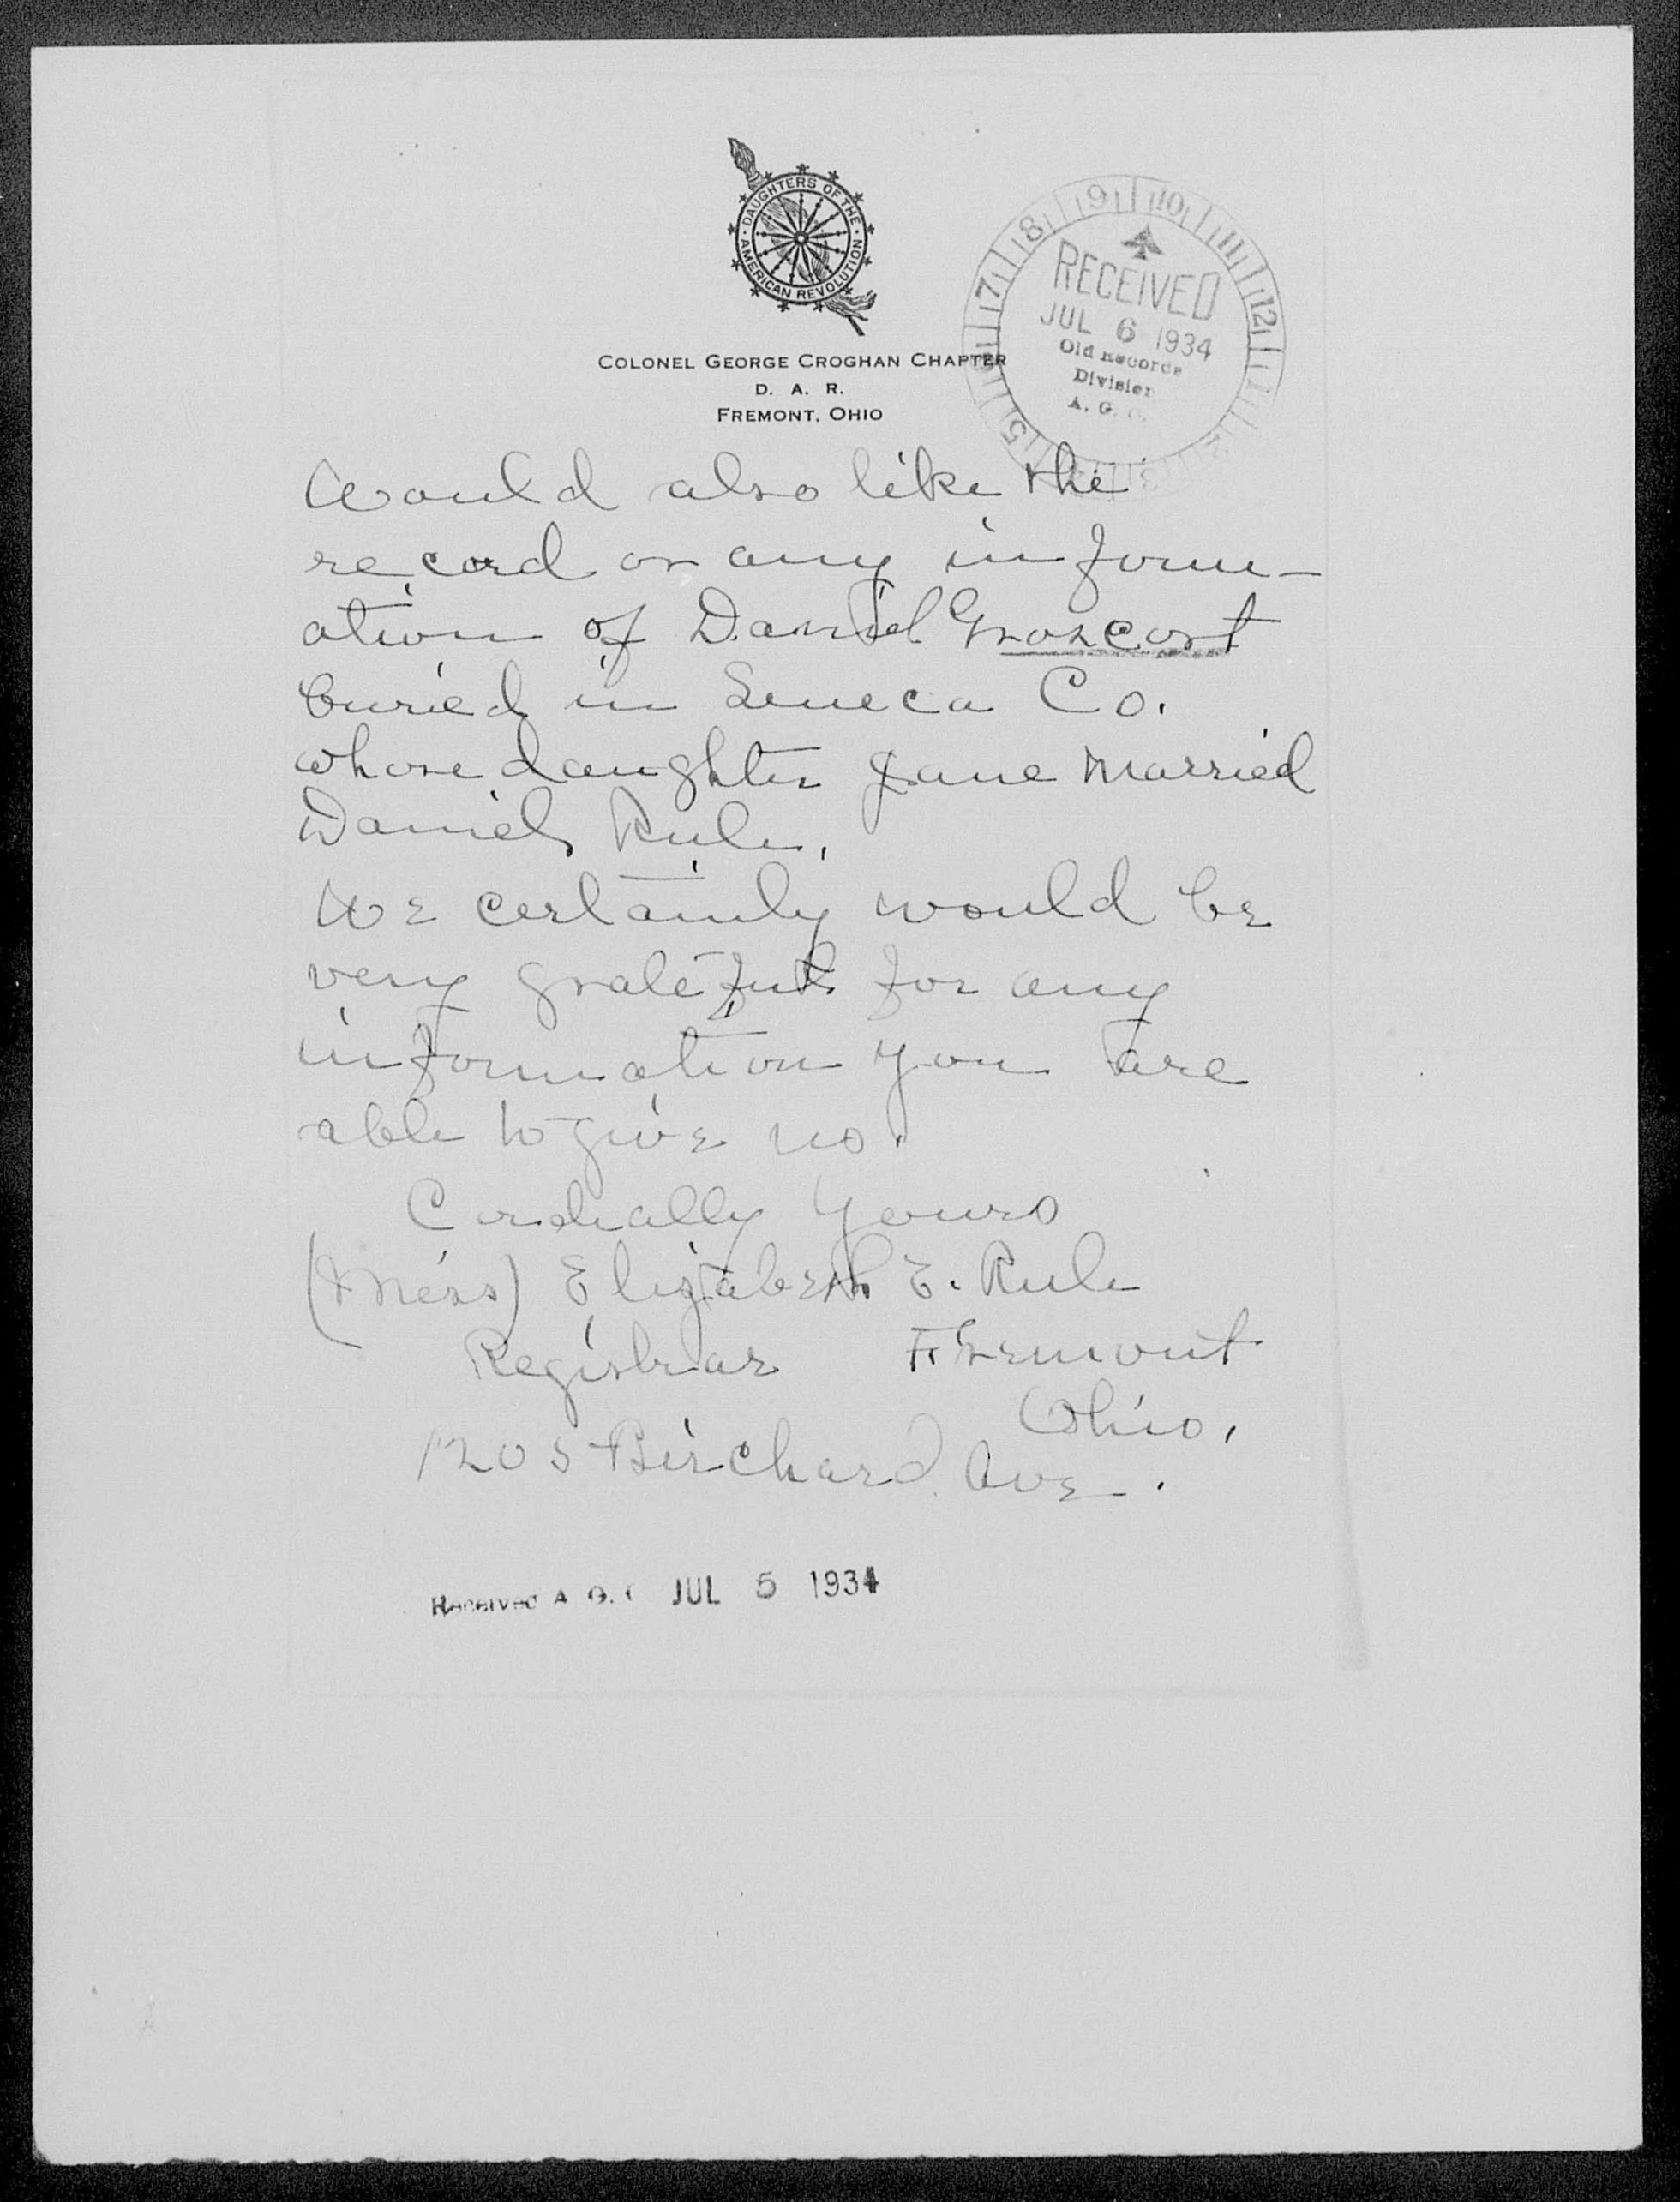Colonel George Croghan Chapter
D.A.R.
Fremont, Ohio
Received July 6 1934 Old records division

Would also like the record of any information of Daniel Moncast buried in Seneca Co. whose daughter Jane married Daniel Rule.
We certainly would be very grateful for any information are able to give us.
Cordially yours
(Messrs) Elizabeth Rule
Registratr Fremont Ohio
120 S. Birchard Ave.
Jul 5 1934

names: Daniel Groscost, Elizabeth E Rule, Daniel Rule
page: 21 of 30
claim: survivor's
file: S. 3099, Daniel Brainard, Conn. Privateer